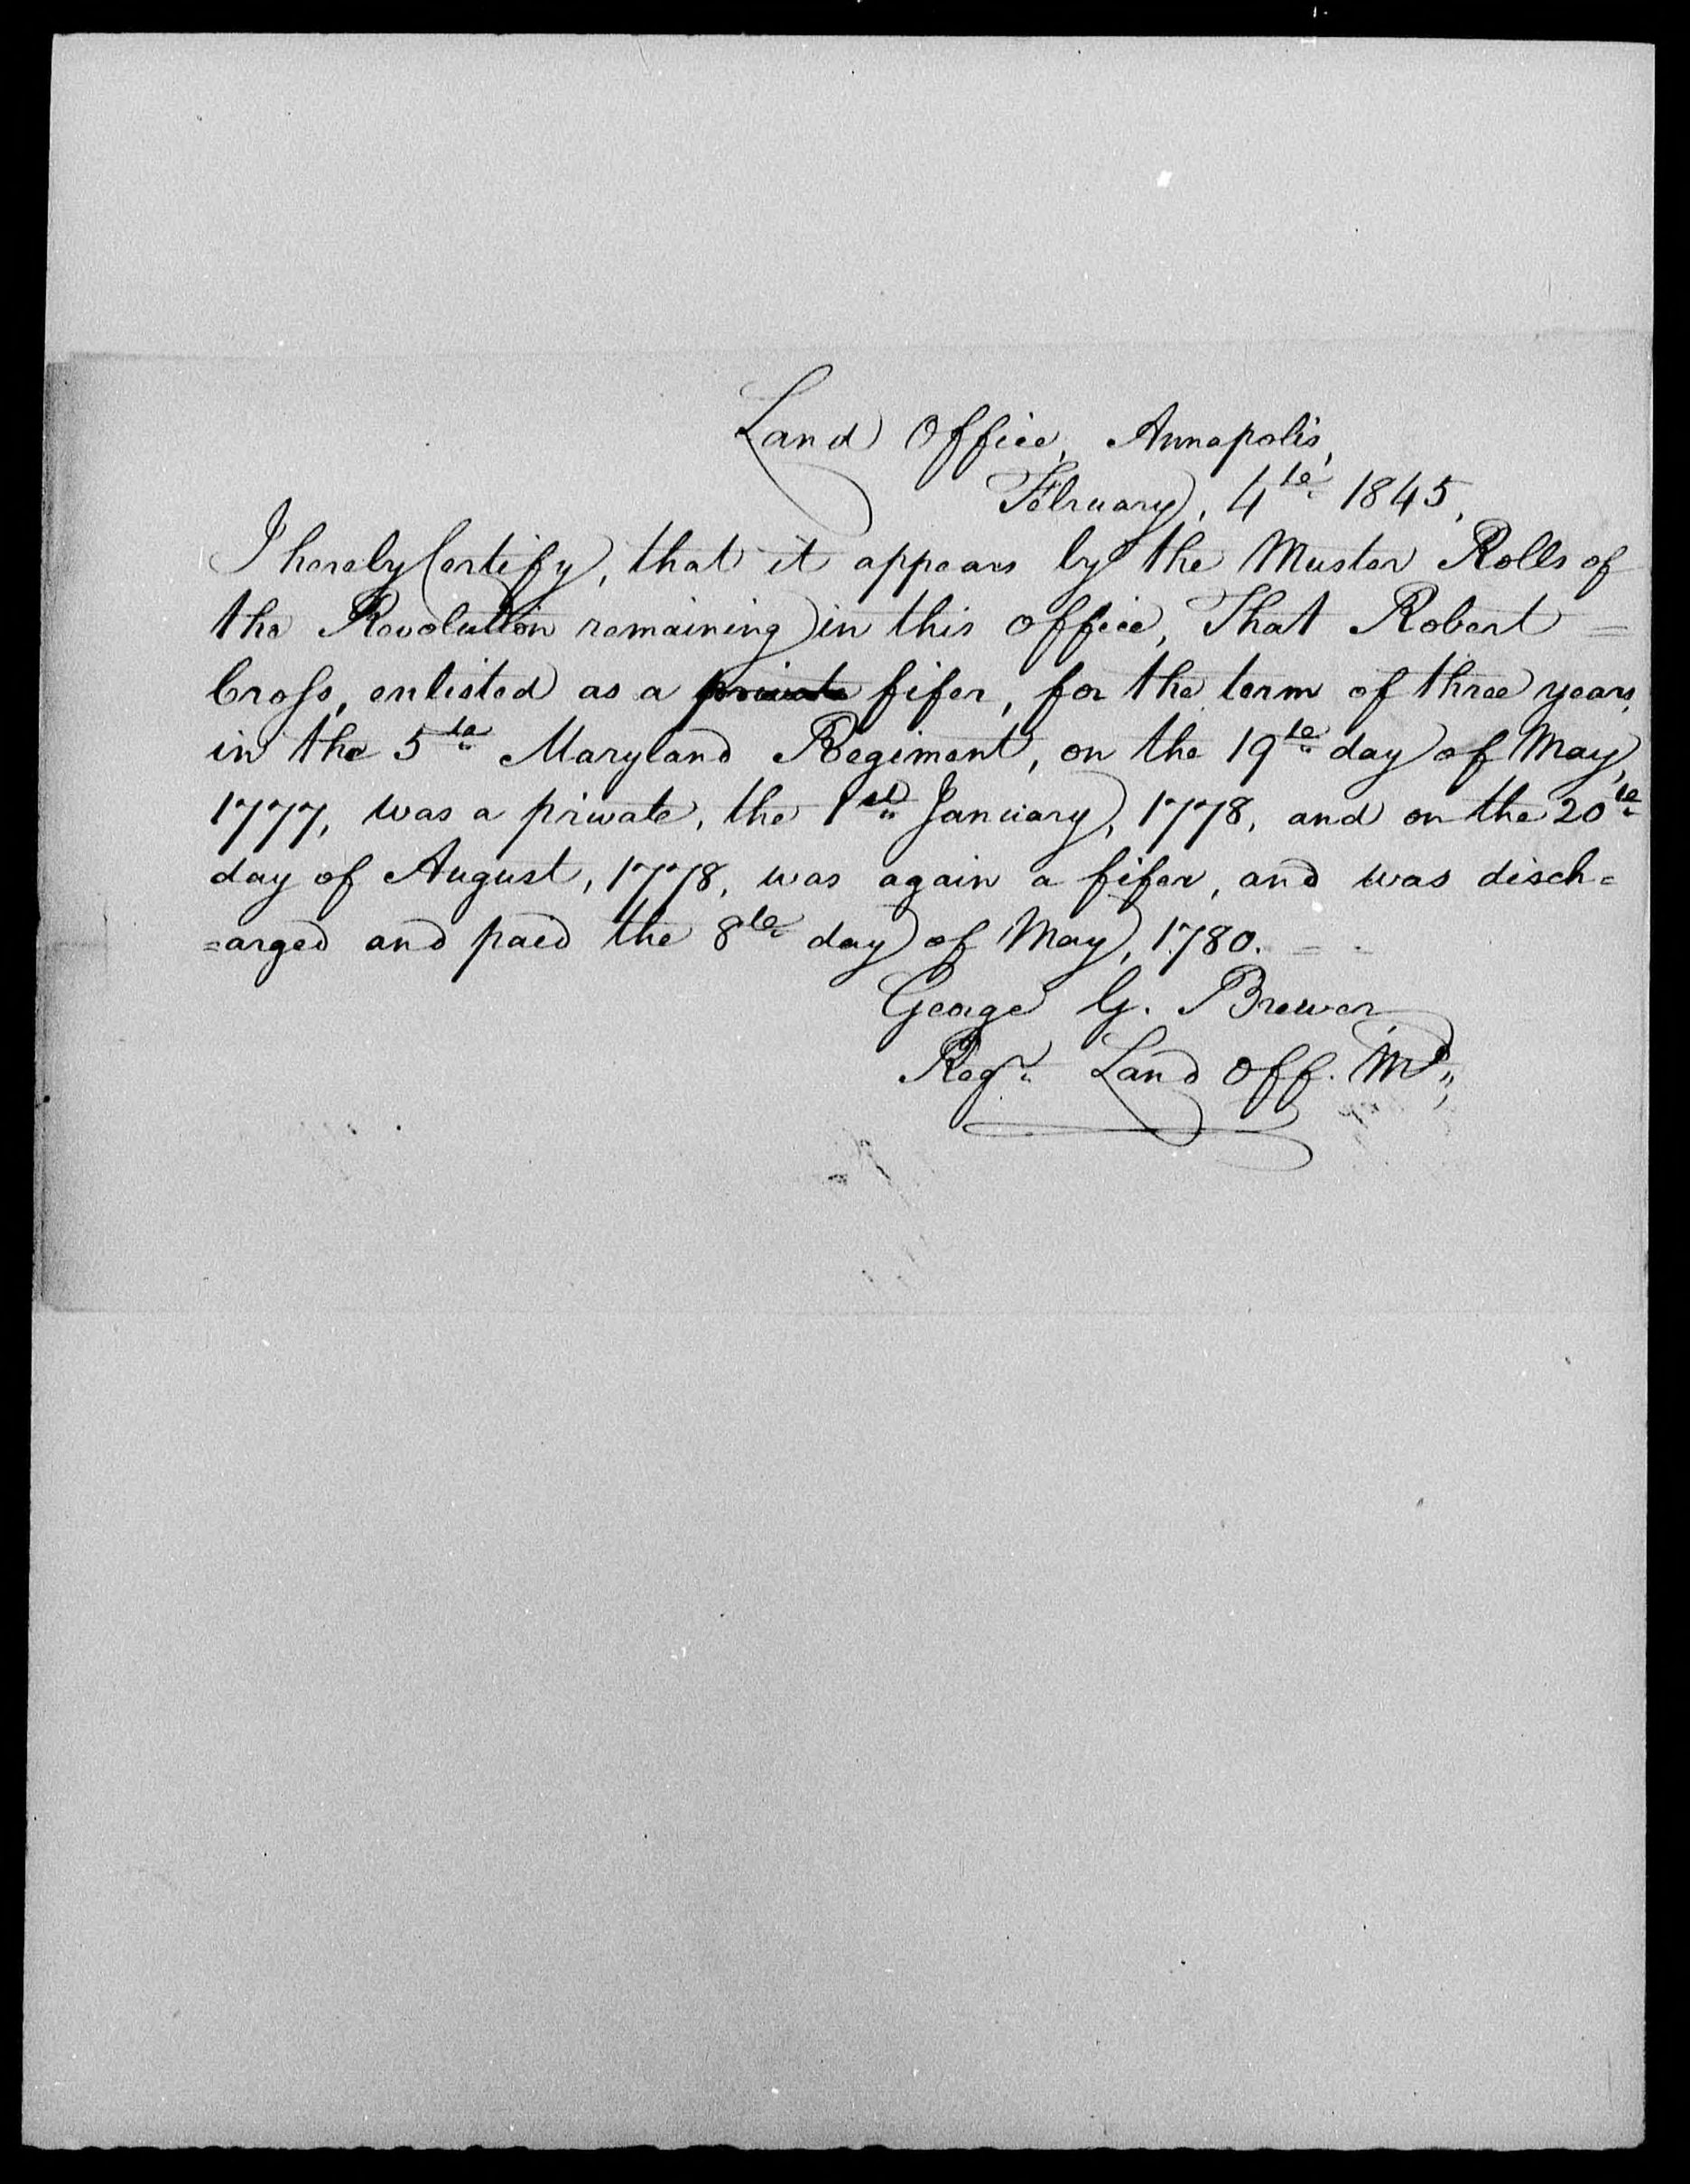Land office, Annapolis
February, 4th, 1845,
I hereby certify, that it appears by the Muster Rolls of the Revolution remaining in this office, that Robert Cross, enlisted as a fifer, for the term of three years, in the 5th Maryland Regiment, on the 19th day of May, 1777, was a private, the 1st January, 1778, and on the 20th day of August, 1778, was again a fifer, and was disch-arged and paid the 8th day of May, 1780.
George G. Brewer,
Regr. Land Off, Ind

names: Robert Cross, George G Brewer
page: 9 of 26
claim: widow's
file: W 25651, Robert Cross, Md.